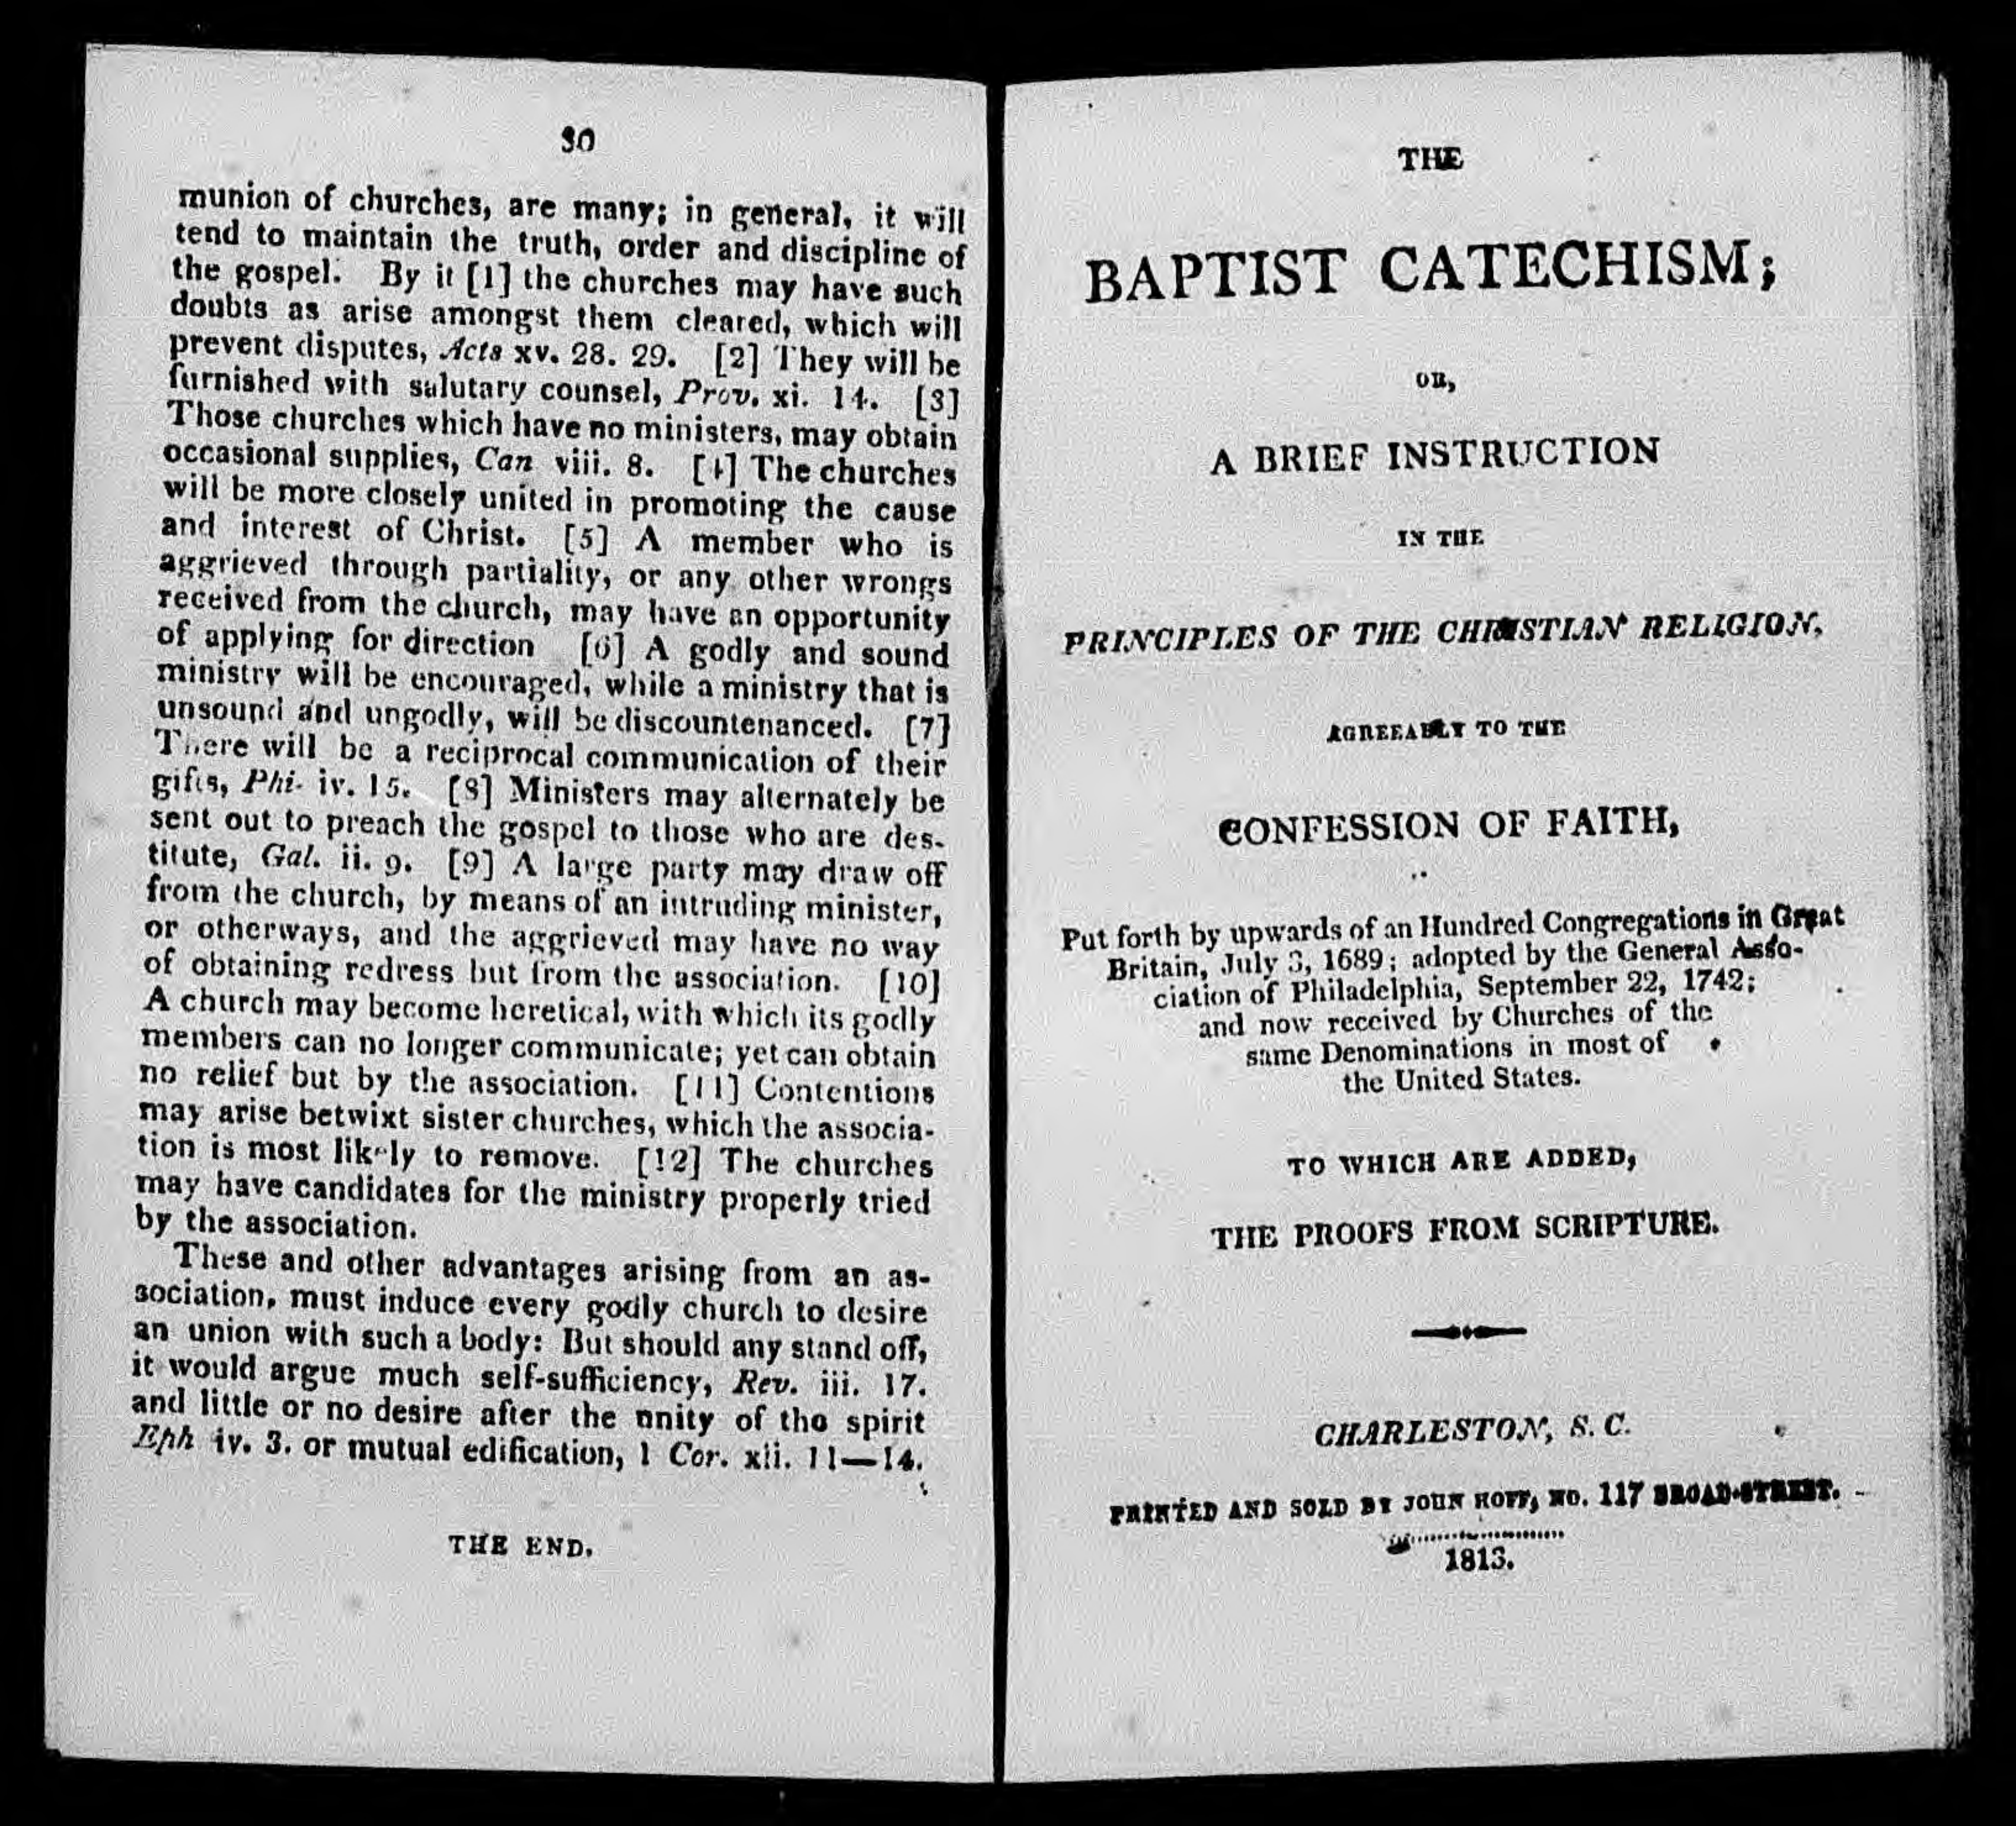30
munion of churches, are many; in general, it will
tend to maintain the truth, order and discipline of
the gospel. By it (1) the churches may have such
doubts as arise amongst them cleared, which will
prevent disputes, Acts xv. 28. 29. [2] They will be
furnished with salutary counsel, Prov. xi. 14. [3]
Those churches which have no ministers, may obtain
occasional supplies, Can viii. 8. [4]The churches
will be more closely united in promoting the cause
and interest of Christ. [5] A member who is
aggrieved through partiality, or any other wrongs
received from the church, may have an opportunity
of applying for direction [6] A godly and sound
ministry will be encouraged, while a ministry that is
unsound and ungodly, will be discountenanced. [7]
There will be a reciprocal communication of their
gifts, Phi. iv. l5. [8] Ministers may alternately be
sent out to preach the gospel to those who are destitute, Gal. ii. 9. [9] A large party may draw off
from the church, by means of an intruding minister,
or otherways, and the aggrieved may have no way
of obtaining redress but from the association. [10]
A church may become heretical, with which its godly
members can no longer communicate; yet can obtain
no relief but by the association. [11] Contentions
may arise betwixt sister churches, which the association is most likely to remove. [12] The churches may have candidates for the ministry properly tried by the association.

These and other advantages arising from an as
sociation, must induce every godly church to desire
an union with such a body: But should any stand off,
it would argue much self-sufficiency, Rev. iii. 17.
and little or no desire after the unity of the spirit
Eph iv. 3. or mutual edification, 1 Cor. xii. 11-14.
THE END.


THE 
BAPTIST CATECHISM;
on,
A BRIEF INSTRUCTION
IN THE

PRINCIPLES OF THE CHRISTIAN RELIGION
AGREEABLY TO THE
CONFESSION OF FAITH,

Put forth by upwards of an Hundred Congregations in Great Britain, July 3, 1689; adopted by the General Association
of Philadelphia, September 22, 1742:
and now received by Churches of the 
same Denominations in most of
the United States.

TO WHICH ARE ADDED,
THE PROOFS FROM SCRIPTURE.

=====

CHARLESTON, S. C.
PRINTED AND SOLD BY JOHN HOFF, NO. 117 BROAD +  STREET.
.......................
1813.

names: John Hovy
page: 61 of 98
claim: widow's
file: W. 8398, William Broadway, S.C.